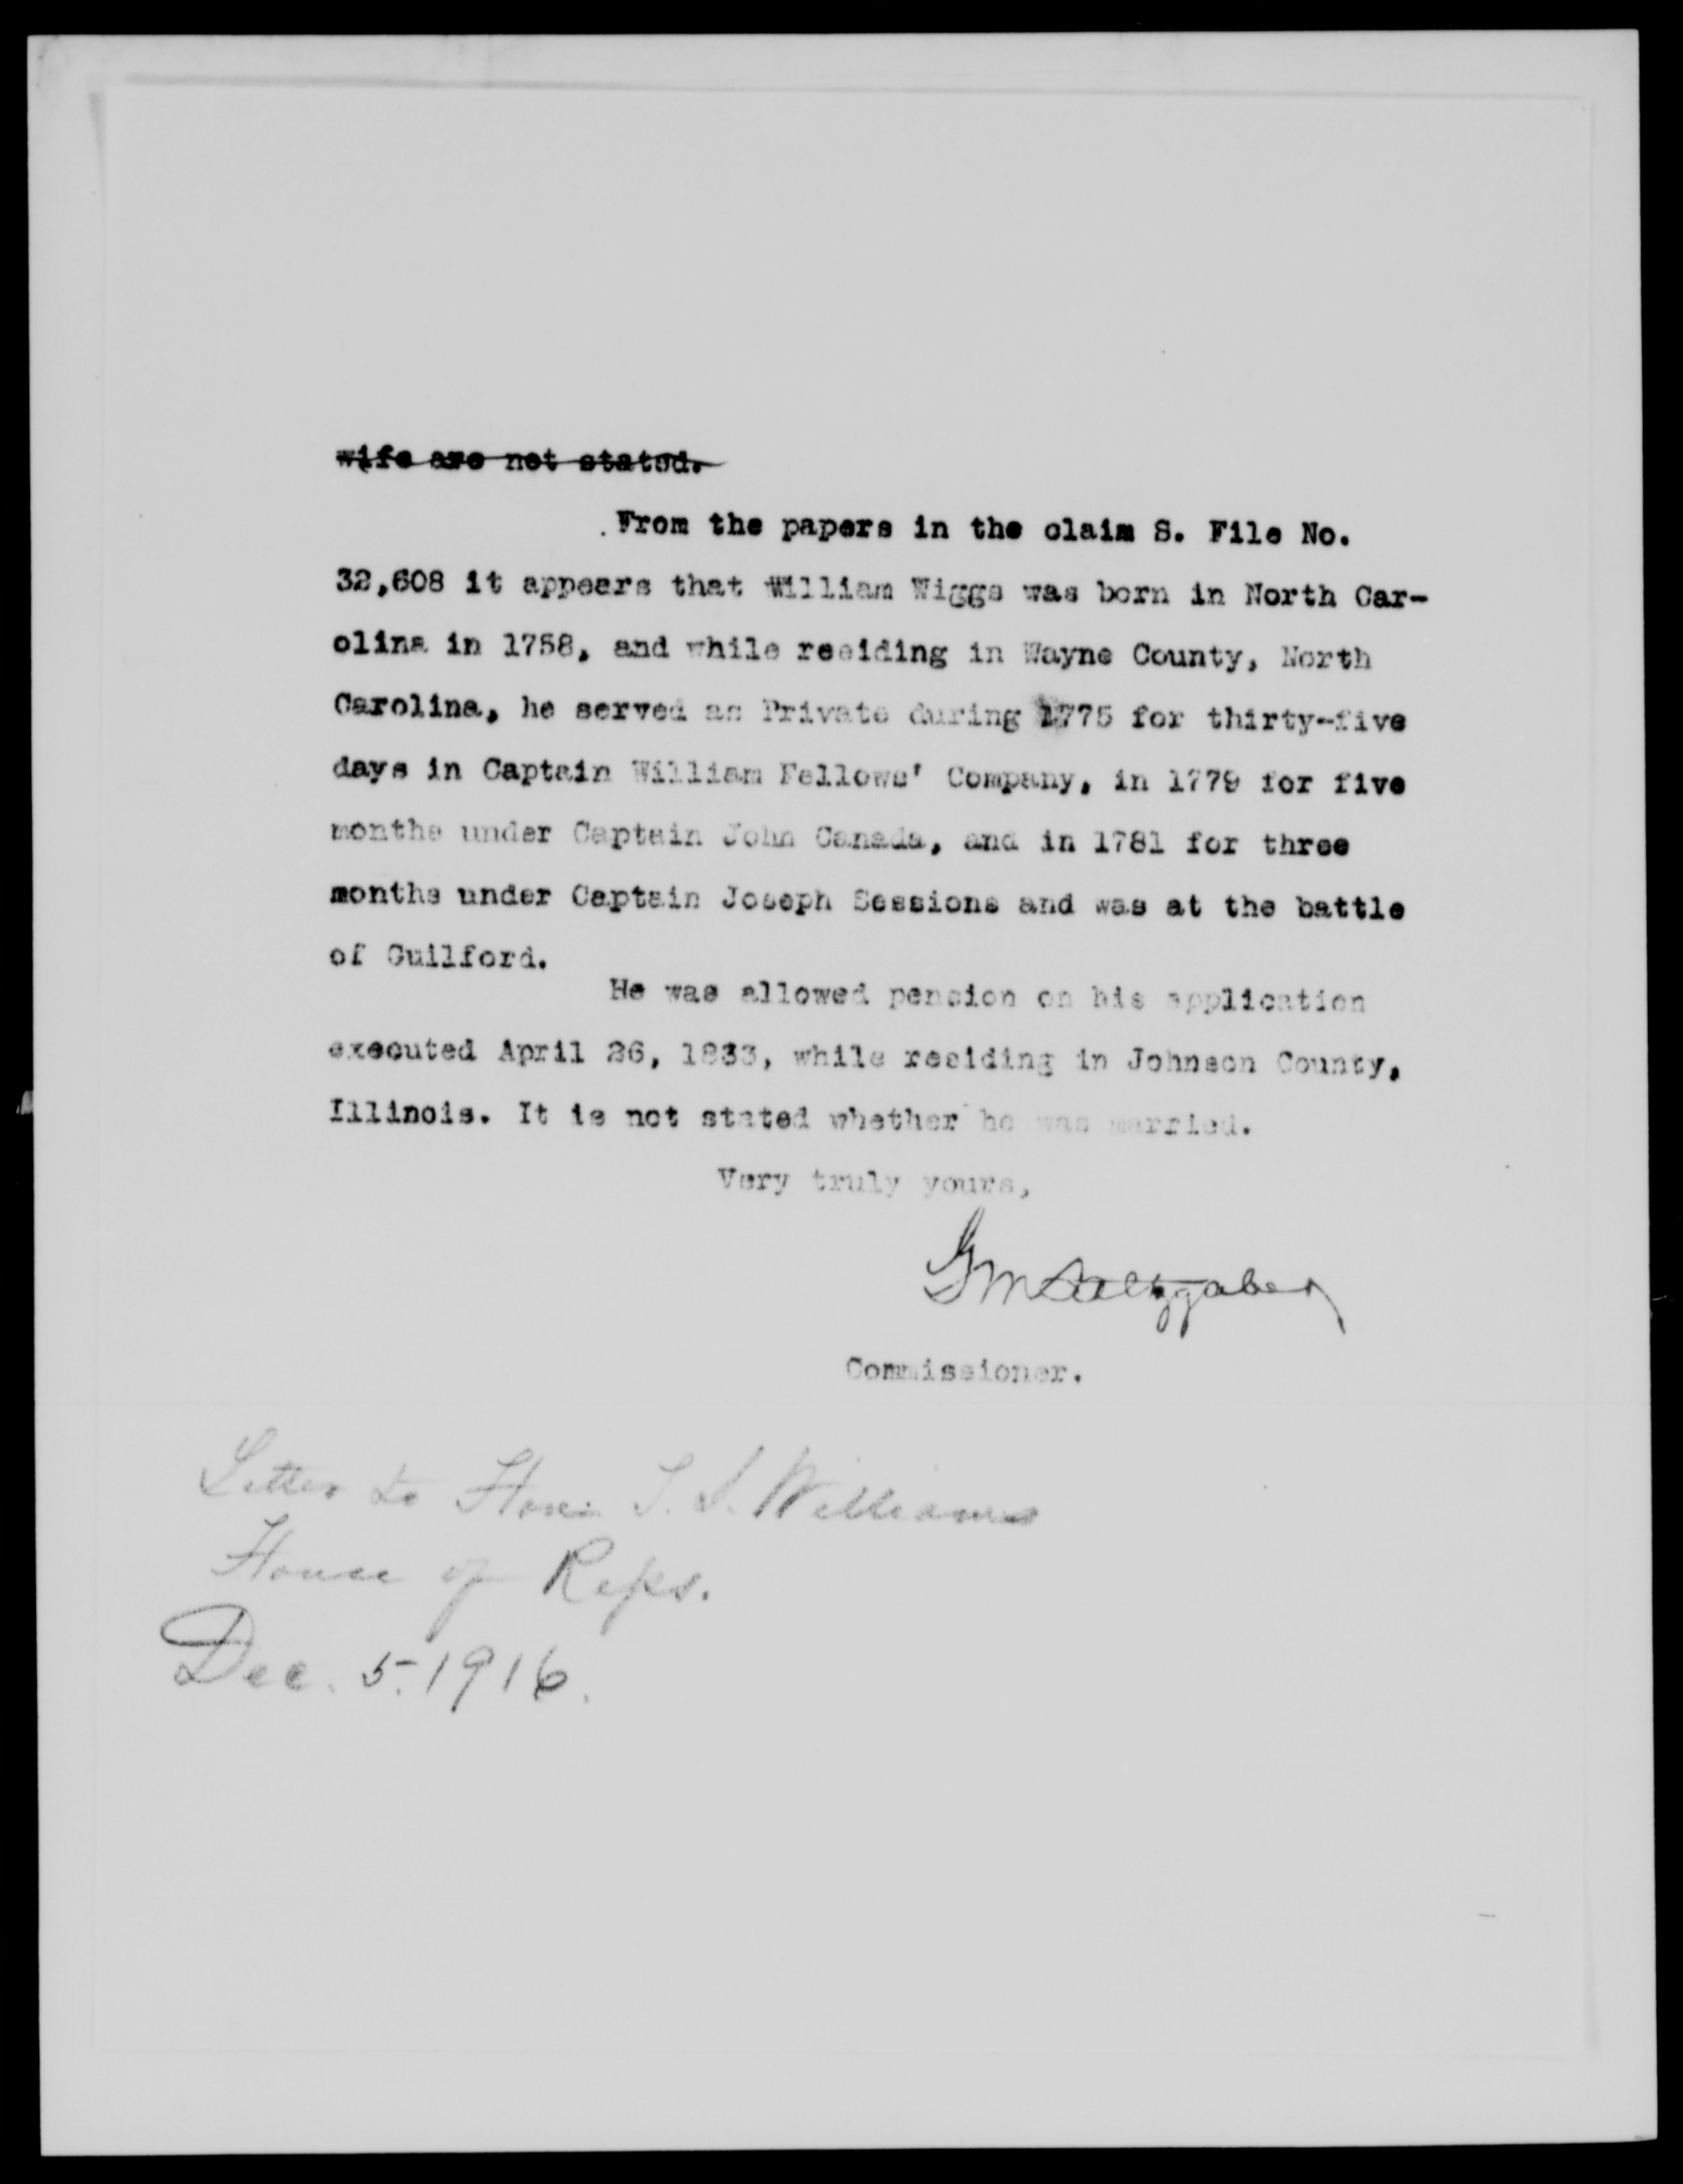wife are not stated. [scratched out]

From the papers in the claim S. File No. 32,608 it appears that William Wiggs was born in North Carolina in 1758, and while residing in Wayne County, North Carolina , he served as private during 1775 for thirty-five days in Captain William Fellows' Company, in 1779 for five months under Captain John Canada, and in 1781 for three months under Captain Joseph Sessions and was at the battle of Guilford.

He was allowed pension on his application executed April 26, 1833, while residing in Johnson County, Illinois. It is not stated whether he was married.

Very truly yours,
G M Saltzgaber 

Commissioner.

Letter to Hon. T. S. Williams
House of Reps.
Dec. 5, 1916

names: John Canada, Joseph Sessions, William Wiggs, T S Williams, G W Saltzgaber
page: 27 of 31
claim: survivor's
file: S. 32608, William Wiggs, N.C.